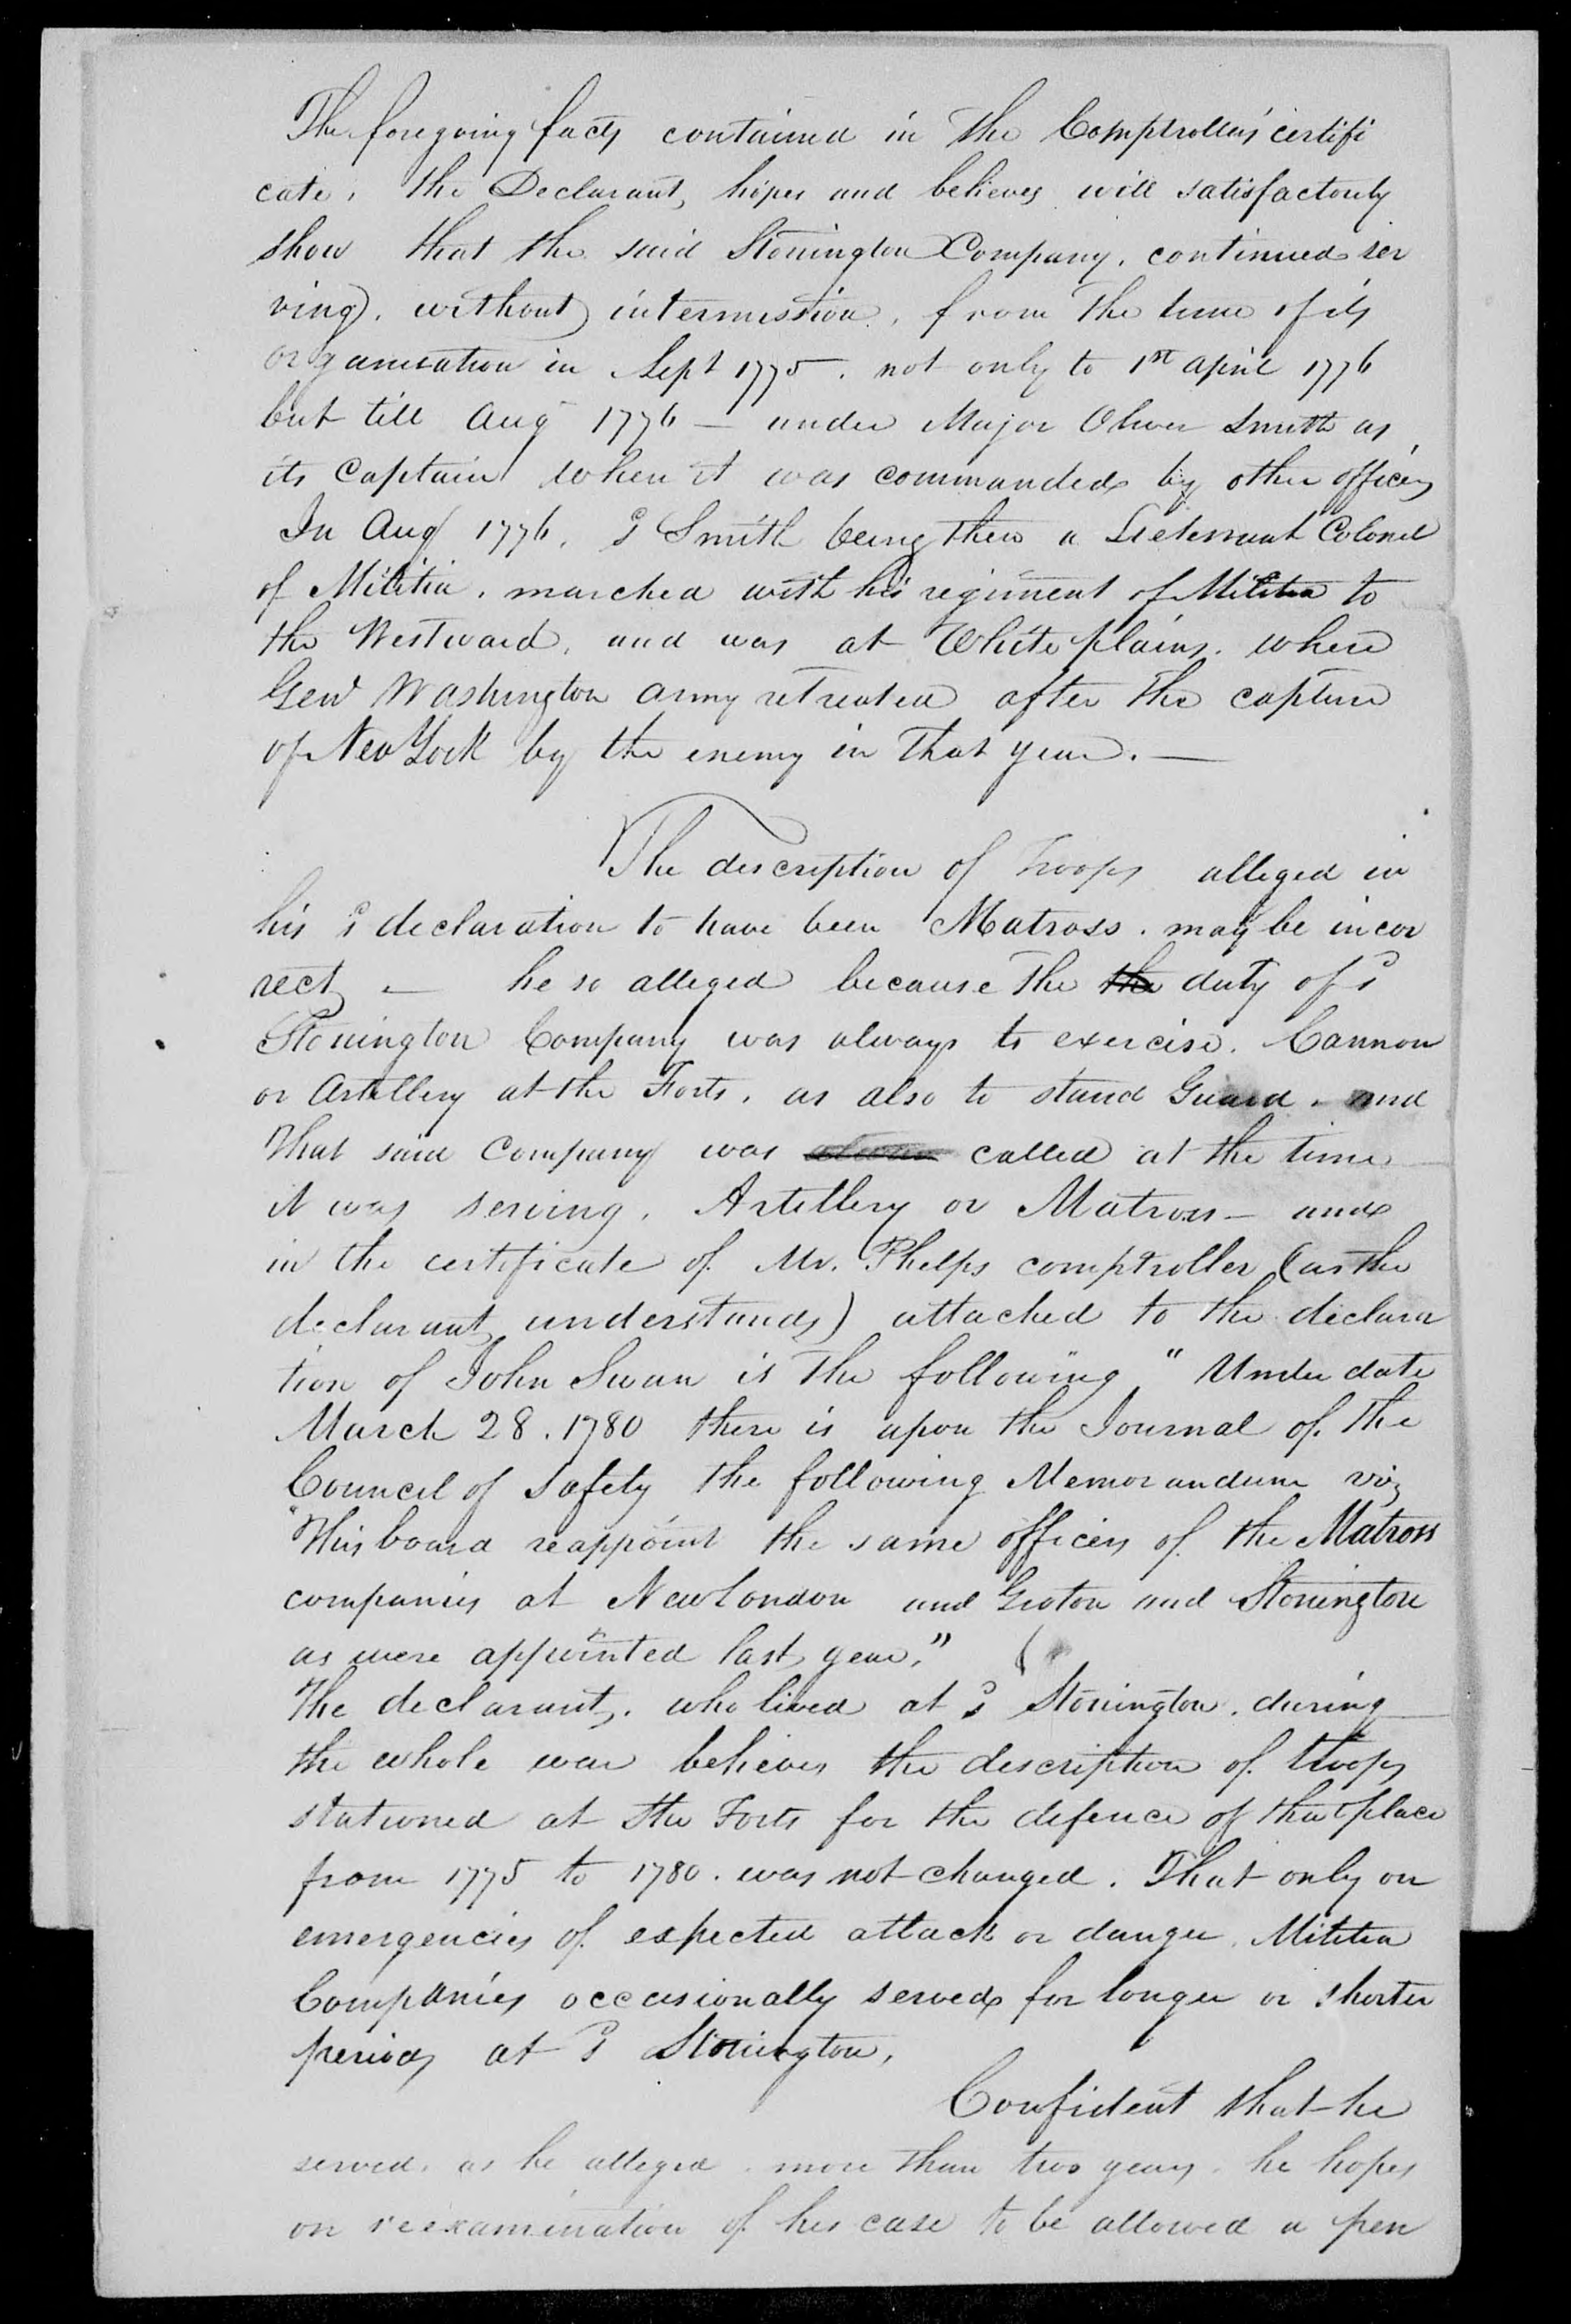The foregoing facts contained in the Comptrollers certificate, the Declarant, hopes and believes will satisfactorily show that the said Stonington Company, continued serving, without intermission, from the time of organization in Sept 1775. not only to 1st April 1776 but till Aug 1776 under Major Oliver Smith as
its captain when it was commanded by other officers. In Aug 1776, sd. Smith being then a Lietenant Colonel of Militia, marched with his regiment of Militia to the Westward, and was at White Plains. where Genl Washington army retreated after the capture of New York by the enemy in that year.
The description of troops alleged in
his sd. declaration to have been Matross, may be incorrect. he so alleged because the the duty of
sd. Stonington Company was always to exercise. Cannon or Artillery at the Forts, as also to stand guard and that said company was called at the time it was serving, Artillery or Matross-- and
in the certificate of Mr. Phelps Comptroller (as the declarant understands) attached to the declaration of John Swan is the following
'Under date March 28. 1780 there is upon the Journal of the Council of Safety the following Memorandum viz
"This board reappoint the same officers of the Matross companies at New london and Groton and Stonington as were appointed last year,"
The declarant, who lived at sd Stonington during the whole war believes the description of those
stationed at the Forts for the defence of that place from 1775 to 1780, was not changed. That only on emergencies of expected attack or danger. Militia Companies occasionally served for longer or shorter periods at Stonington.
Confident that he served as he alleged more than two years, he hopes on reexamination of his case to be allowed a pen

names: Smith, Phelps, John Swan, Oliver Smith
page: 25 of 26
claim: survivor's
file: S. 16843, Edward Hancox, Conn.